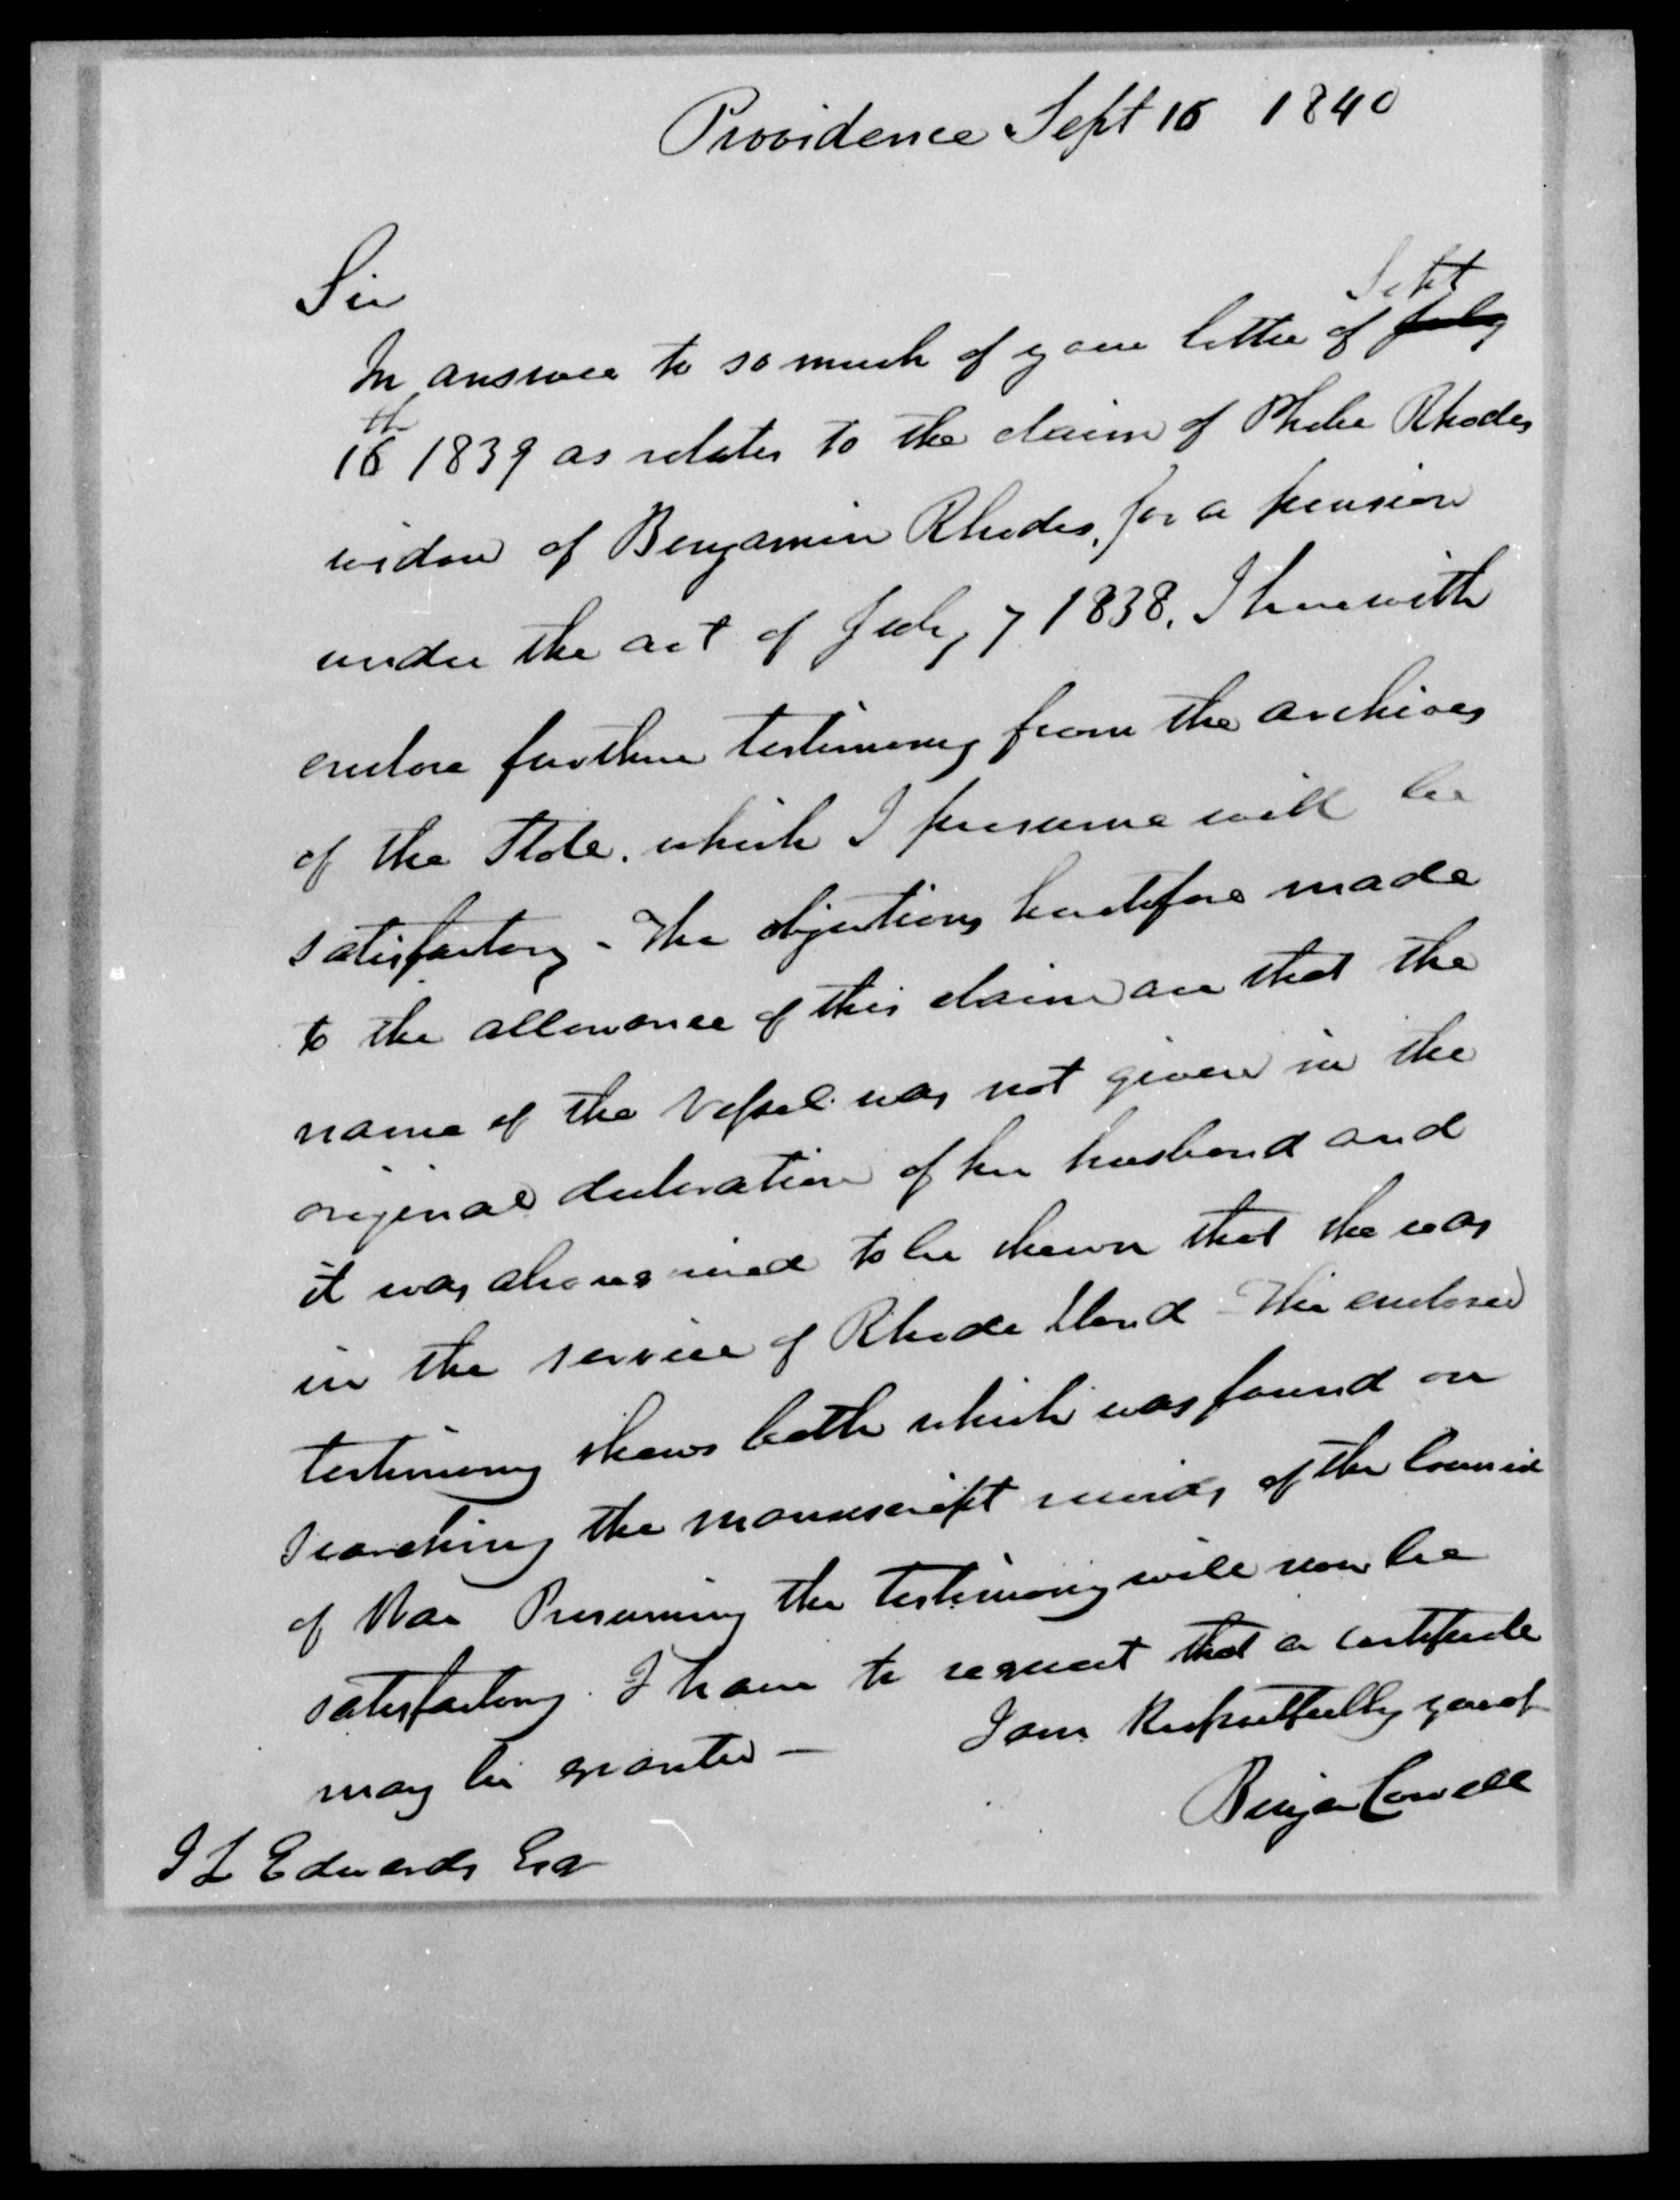Providence Sept 16 1840
Sir
In answer to so much of your letter of Sept
16th 1839 as relates to the claim of Phobe Rhodes widow of Benjamin Rhodes for a pension
under the act of July 7 1838. I herewith
enclose further testimony from the archives
of the State, which I presume will be
satisfactory. The objections heretofore made
to the allowance of this claim are that the
name of the vessel was not given in the
original declaration of her husband and
it was above - to be shown that he was
in the service of Rhode Island The enclosed
testimony shows both which was found on
searching the manuscript records of the council of war presuming the testimony will now be
satisfactory I have to request that a certificate
may be granted-
I am Respectfully Your
J L Edwards Esq
Benja Cowell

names: J L Edwards; Benja Cowell; Phebe Rhodes; Benjamin Rhodes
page: 37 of 50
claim: widow's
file: W. 22058, for Benjamin Rhodes, Rhode Island